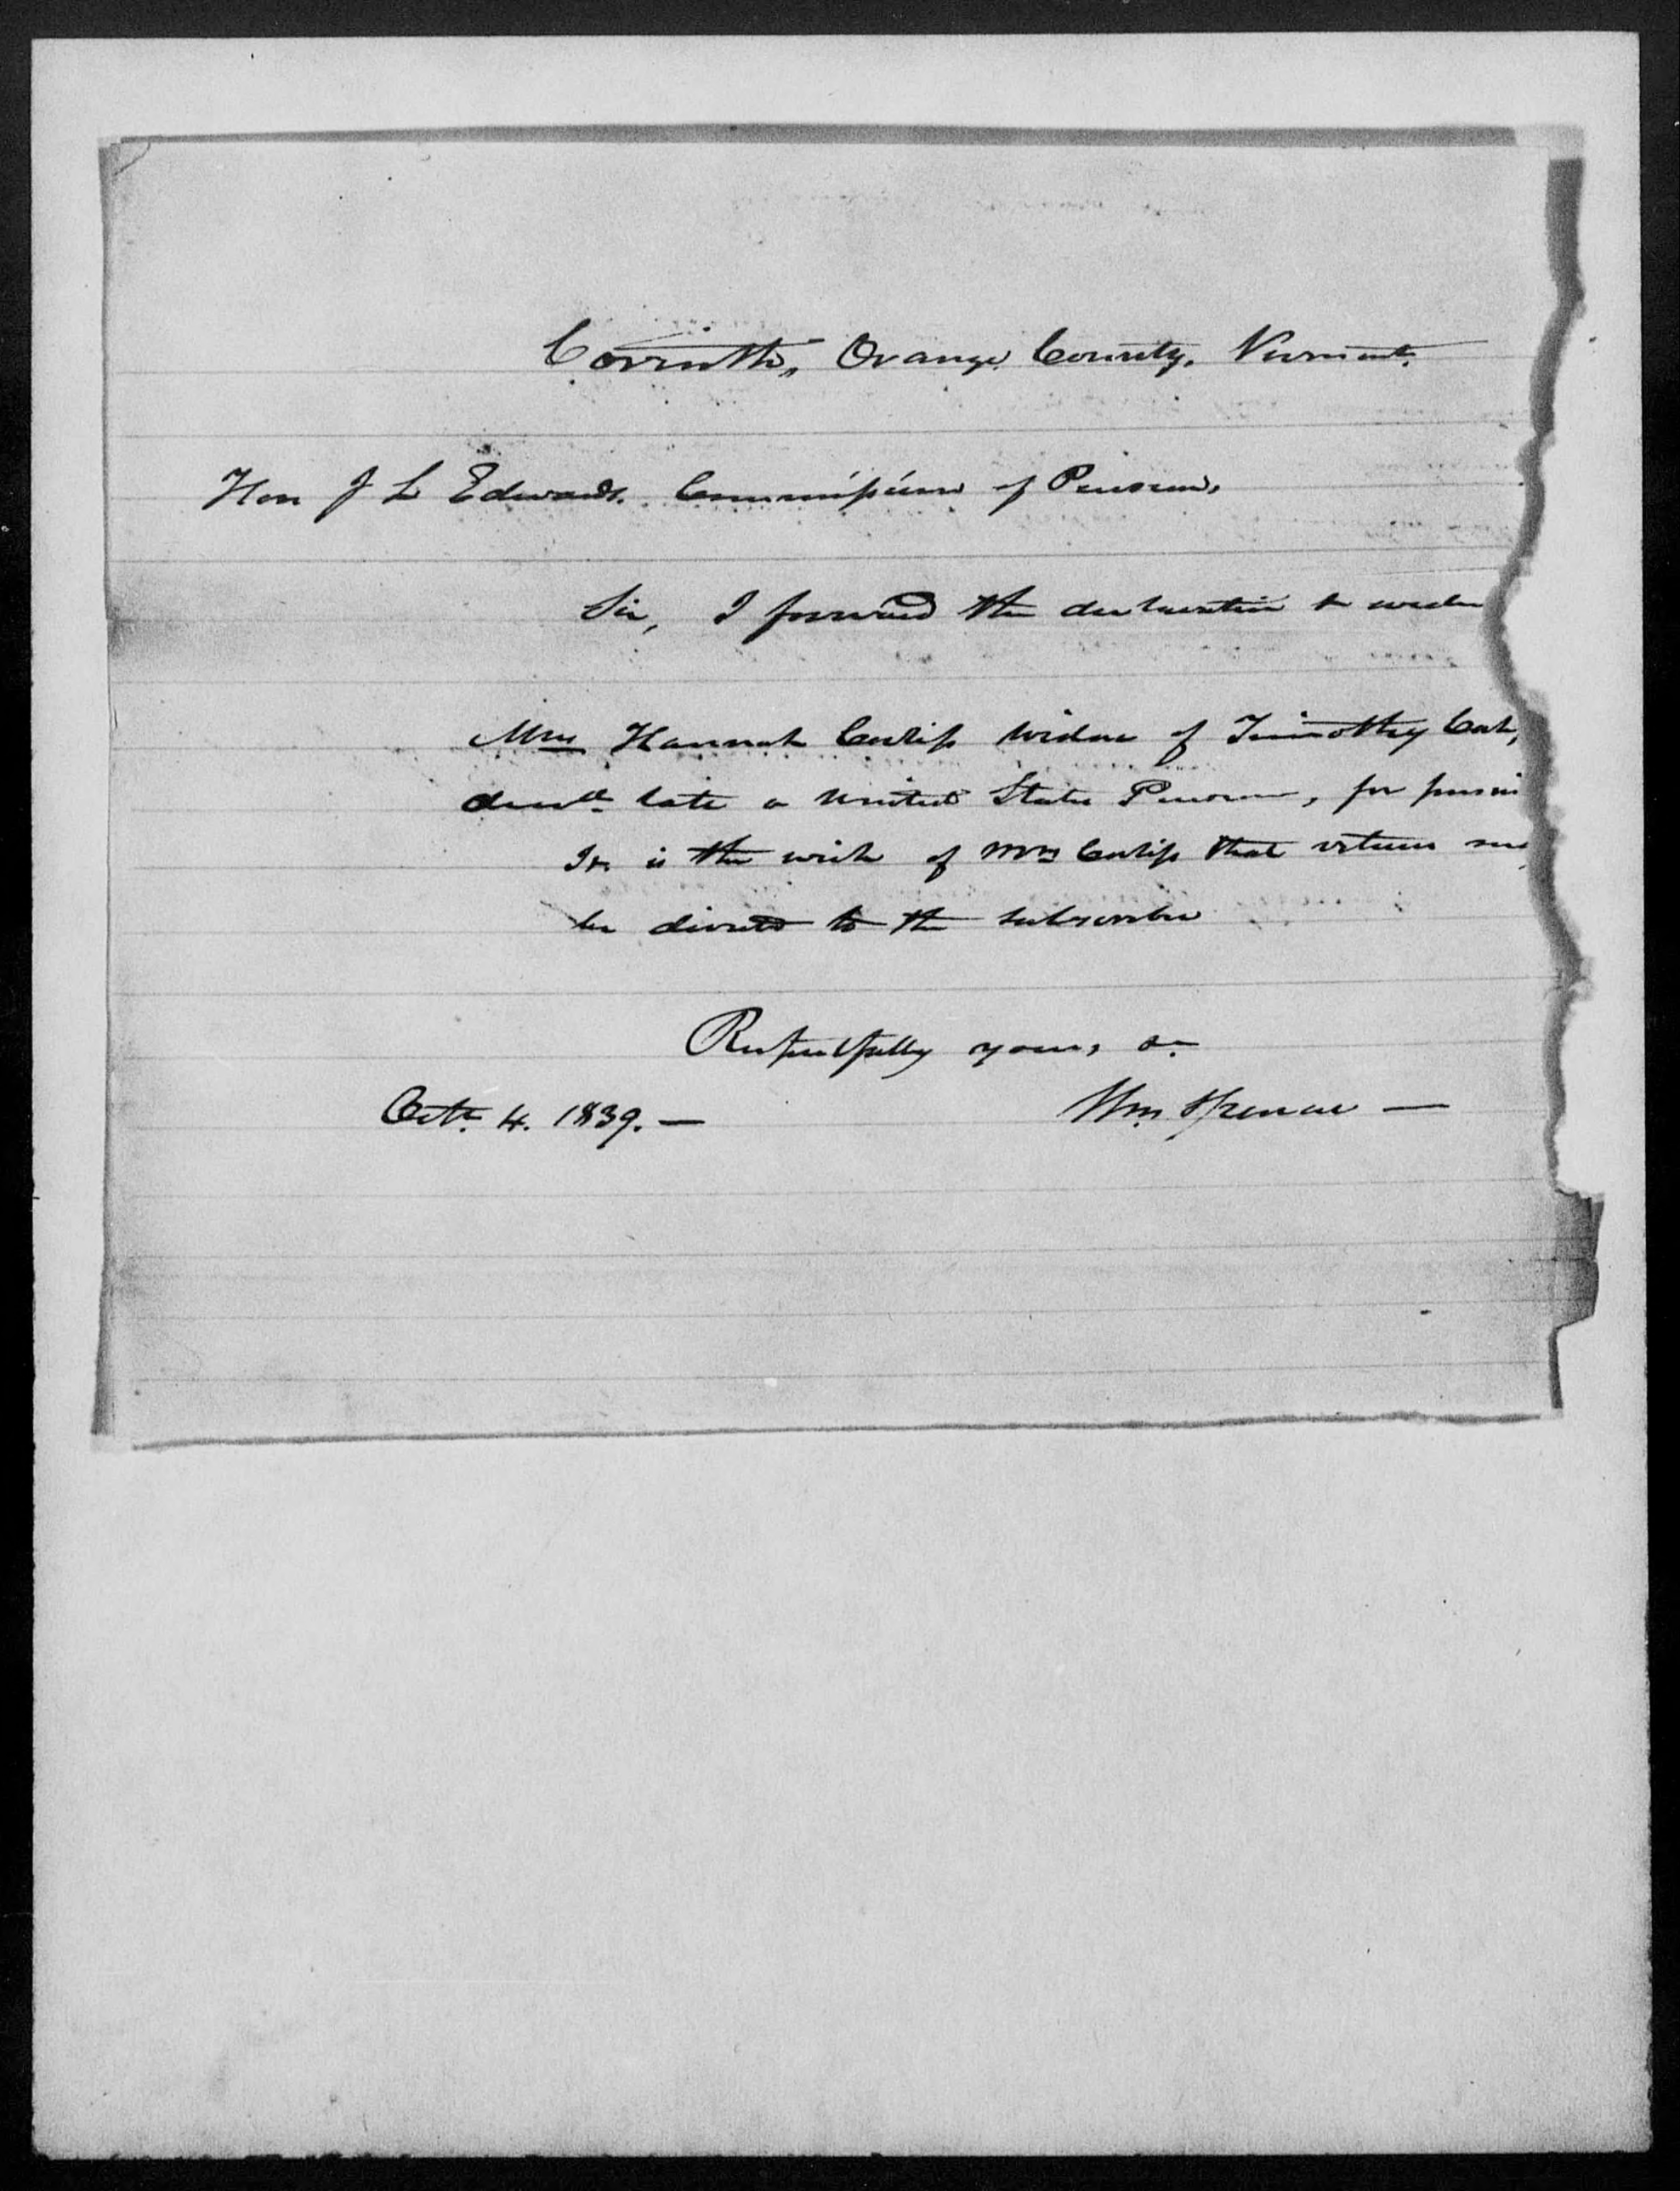Corinth, Orange County, Vermont,
Honorable J L Edwards Commissioner of Pensions
Sir, I forward the declaration and [illegible]
Mrs Hannah Corliss Widow of Timothy Corliss,
deceased late a United States Pensioner, for pension.
It is the wish of Mrs Curtis that return may 
be directed to the subscriber.
Respectfully yours, Sir
William Spencer
October 4. 1839.-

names: Corliss, J L Edwards, Hannah Corliss, Wm Spencer, Timothy Corliss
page: 26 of 34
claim: widow's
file: W. 20,896, Timothy Corless, Continental Mass